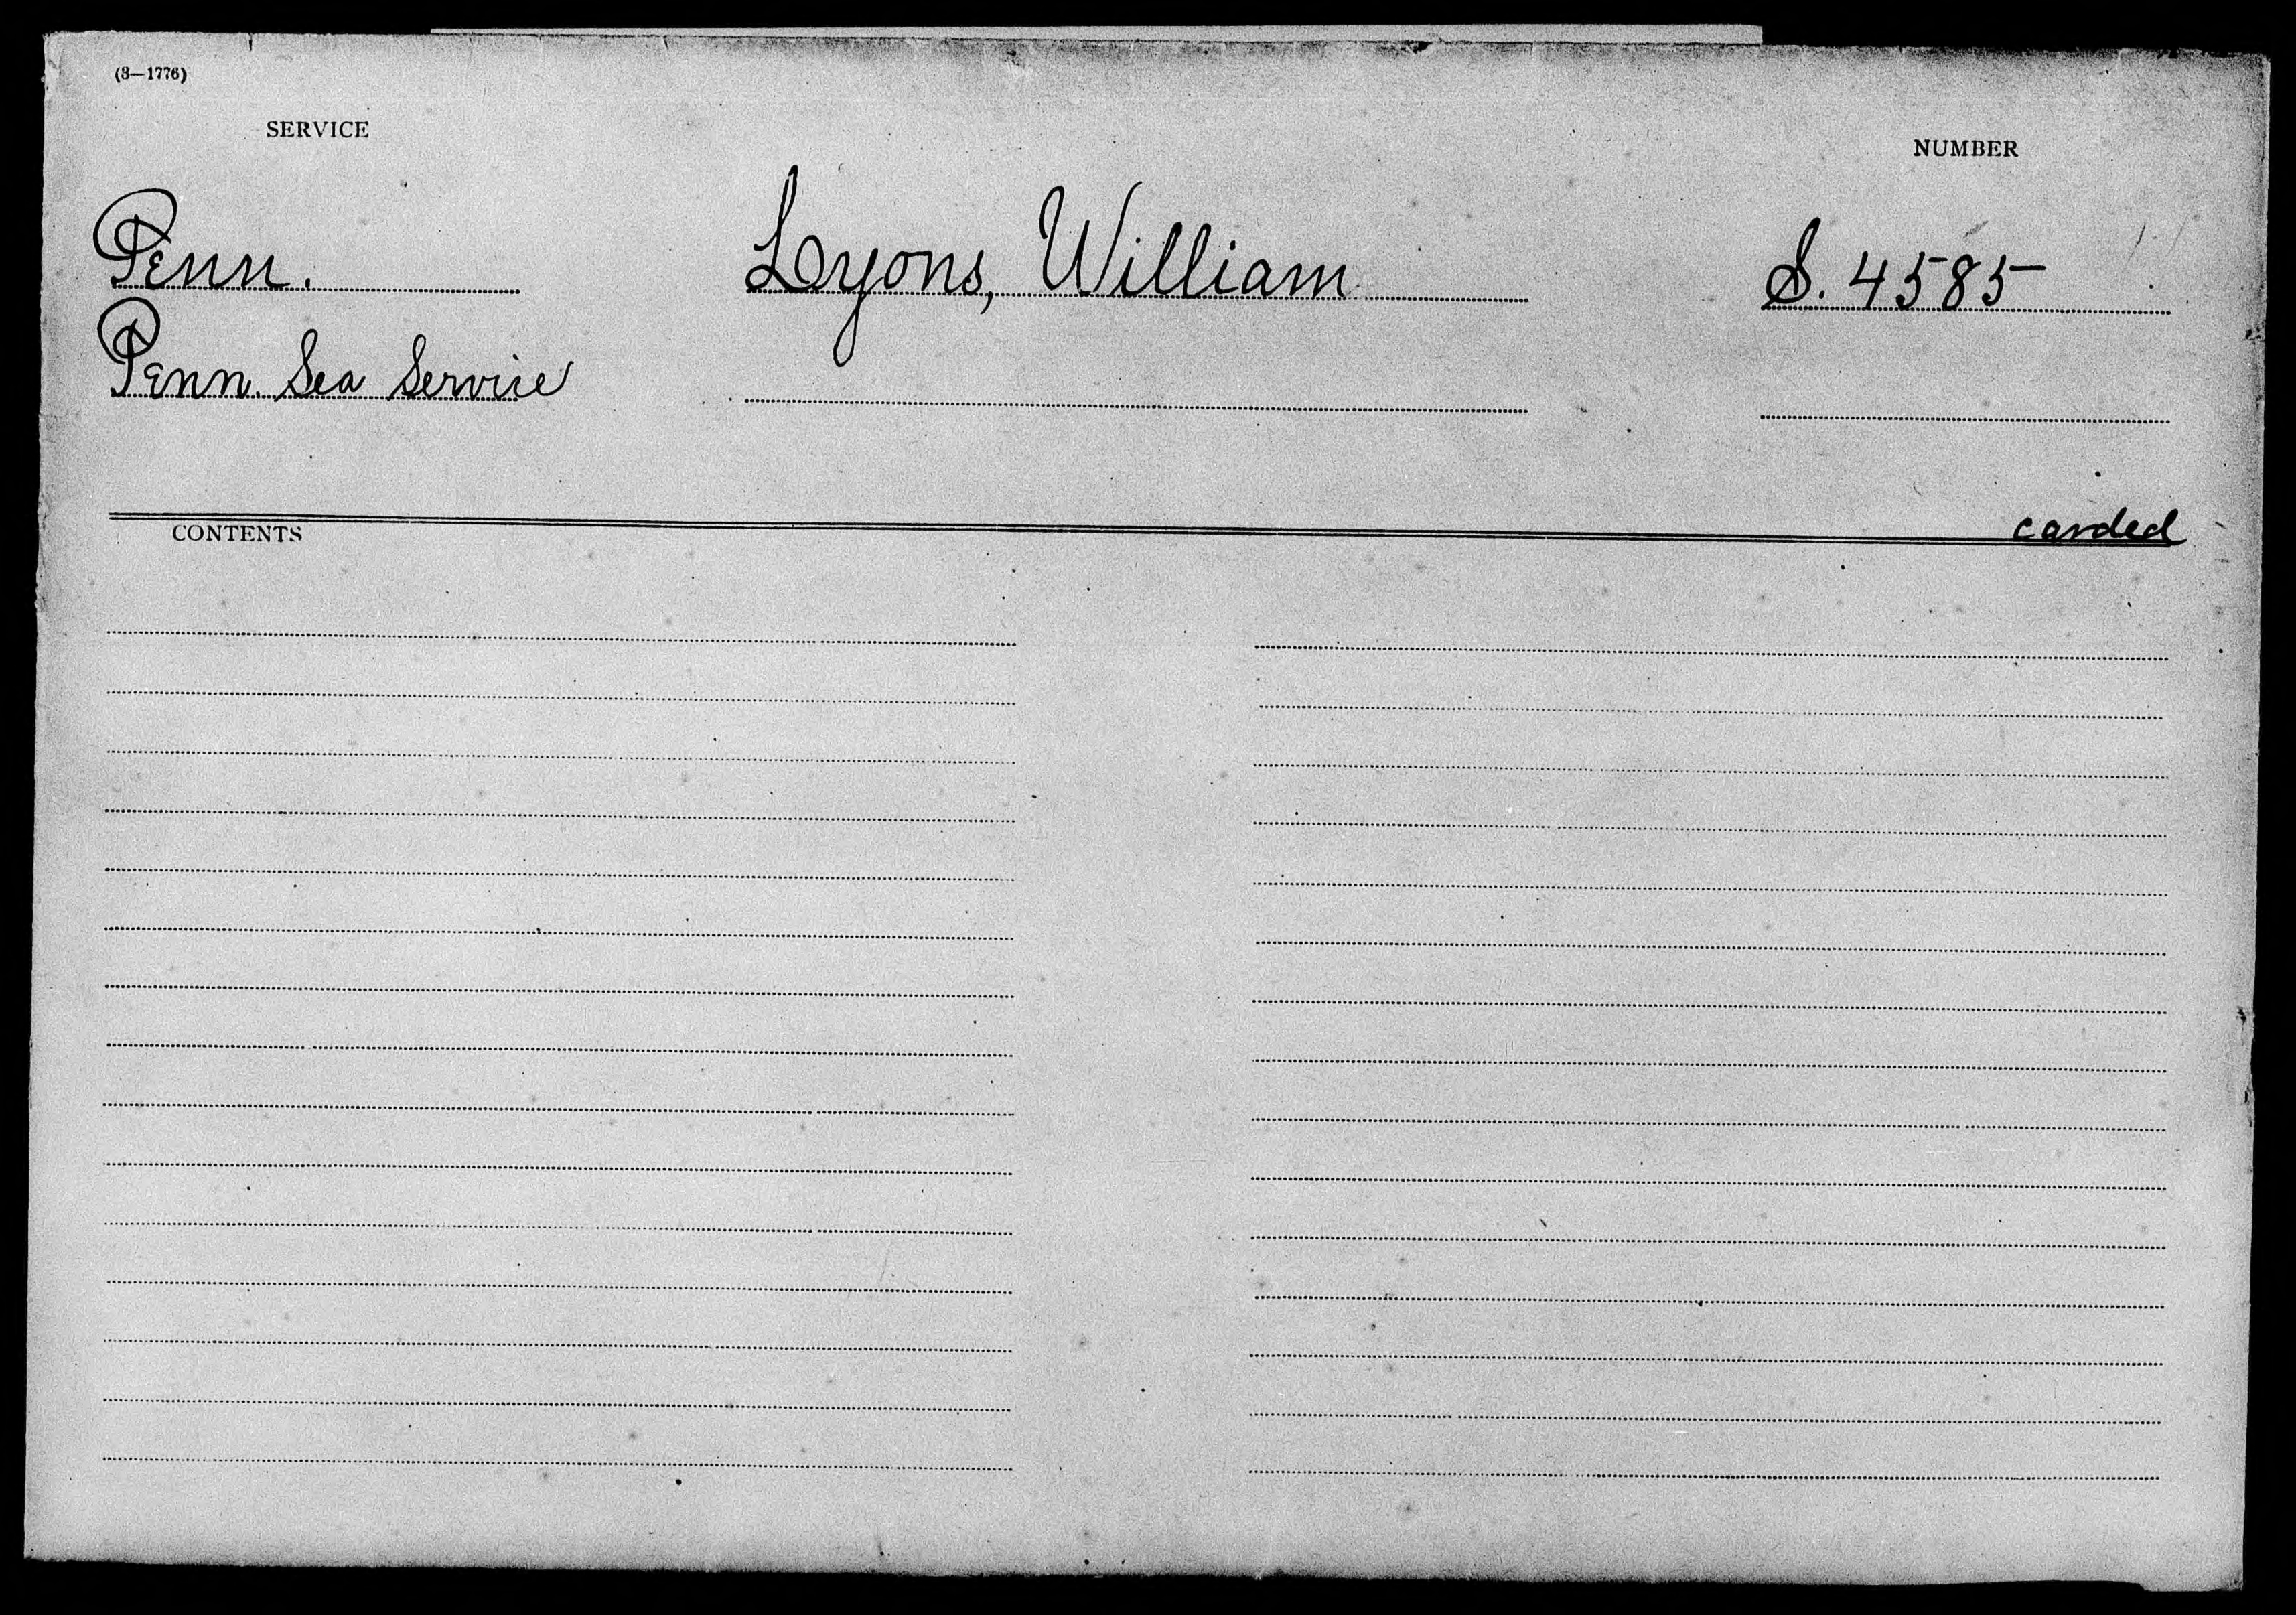Penn
Penn Sea Service
Lyons William
S.4585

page: 1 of 41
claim: survivor's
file: S. 4585, for William Lyons, Pennsylvania